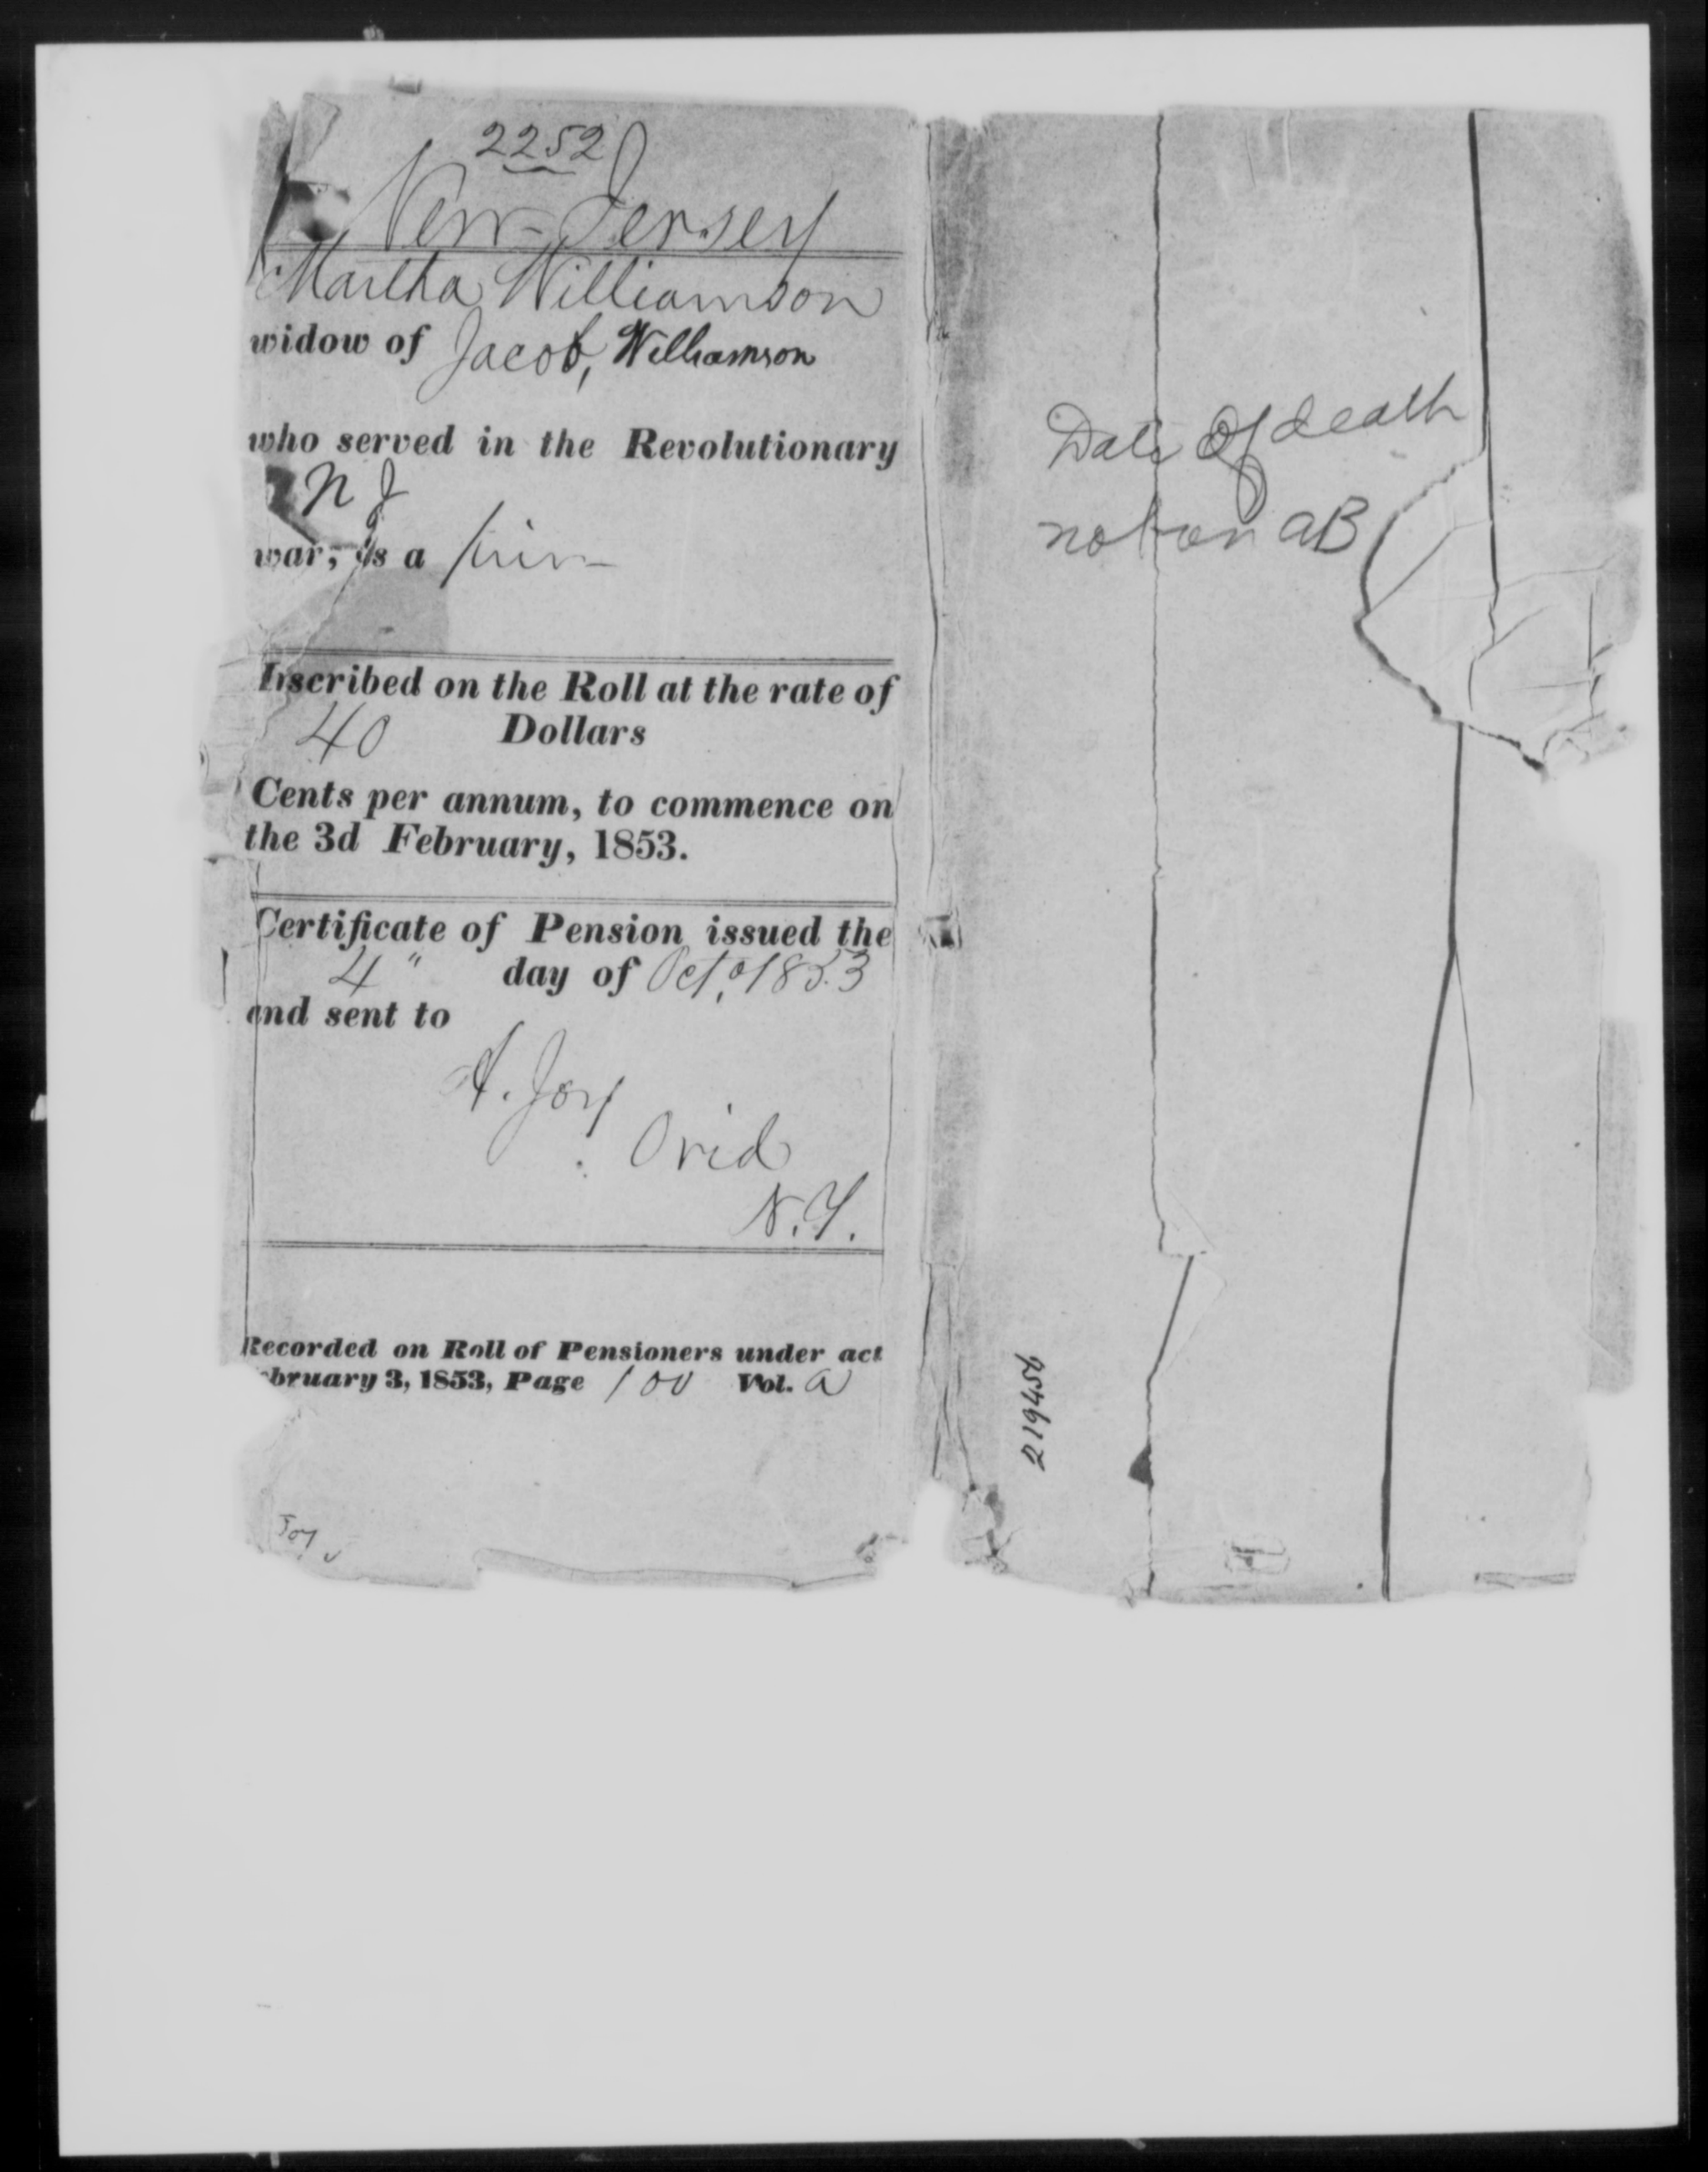2252

New Jersey

Martha Williamson, widow of Jacob Williamson, who served in the Revolutionary War as a Private. N.J.

Inscribed on the Roll at the rate of 40 Dollars (blank) Cents per annum, to commence on the 3rd February, 1853.

Certificate of Pension issued 4th day of Oct. 1853 and sent to A. Joy, Ovid, N.Y.

Recorded on Roll of Pensioners under act February 3, 1853, Page 100, Vol A.

219456

Date of death not on A.B.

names: Martha Williamson, Jacob Williamson, A Joy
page: 6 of 67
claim: widow's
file: W. 2393, Jacob Williamson, New Jersey